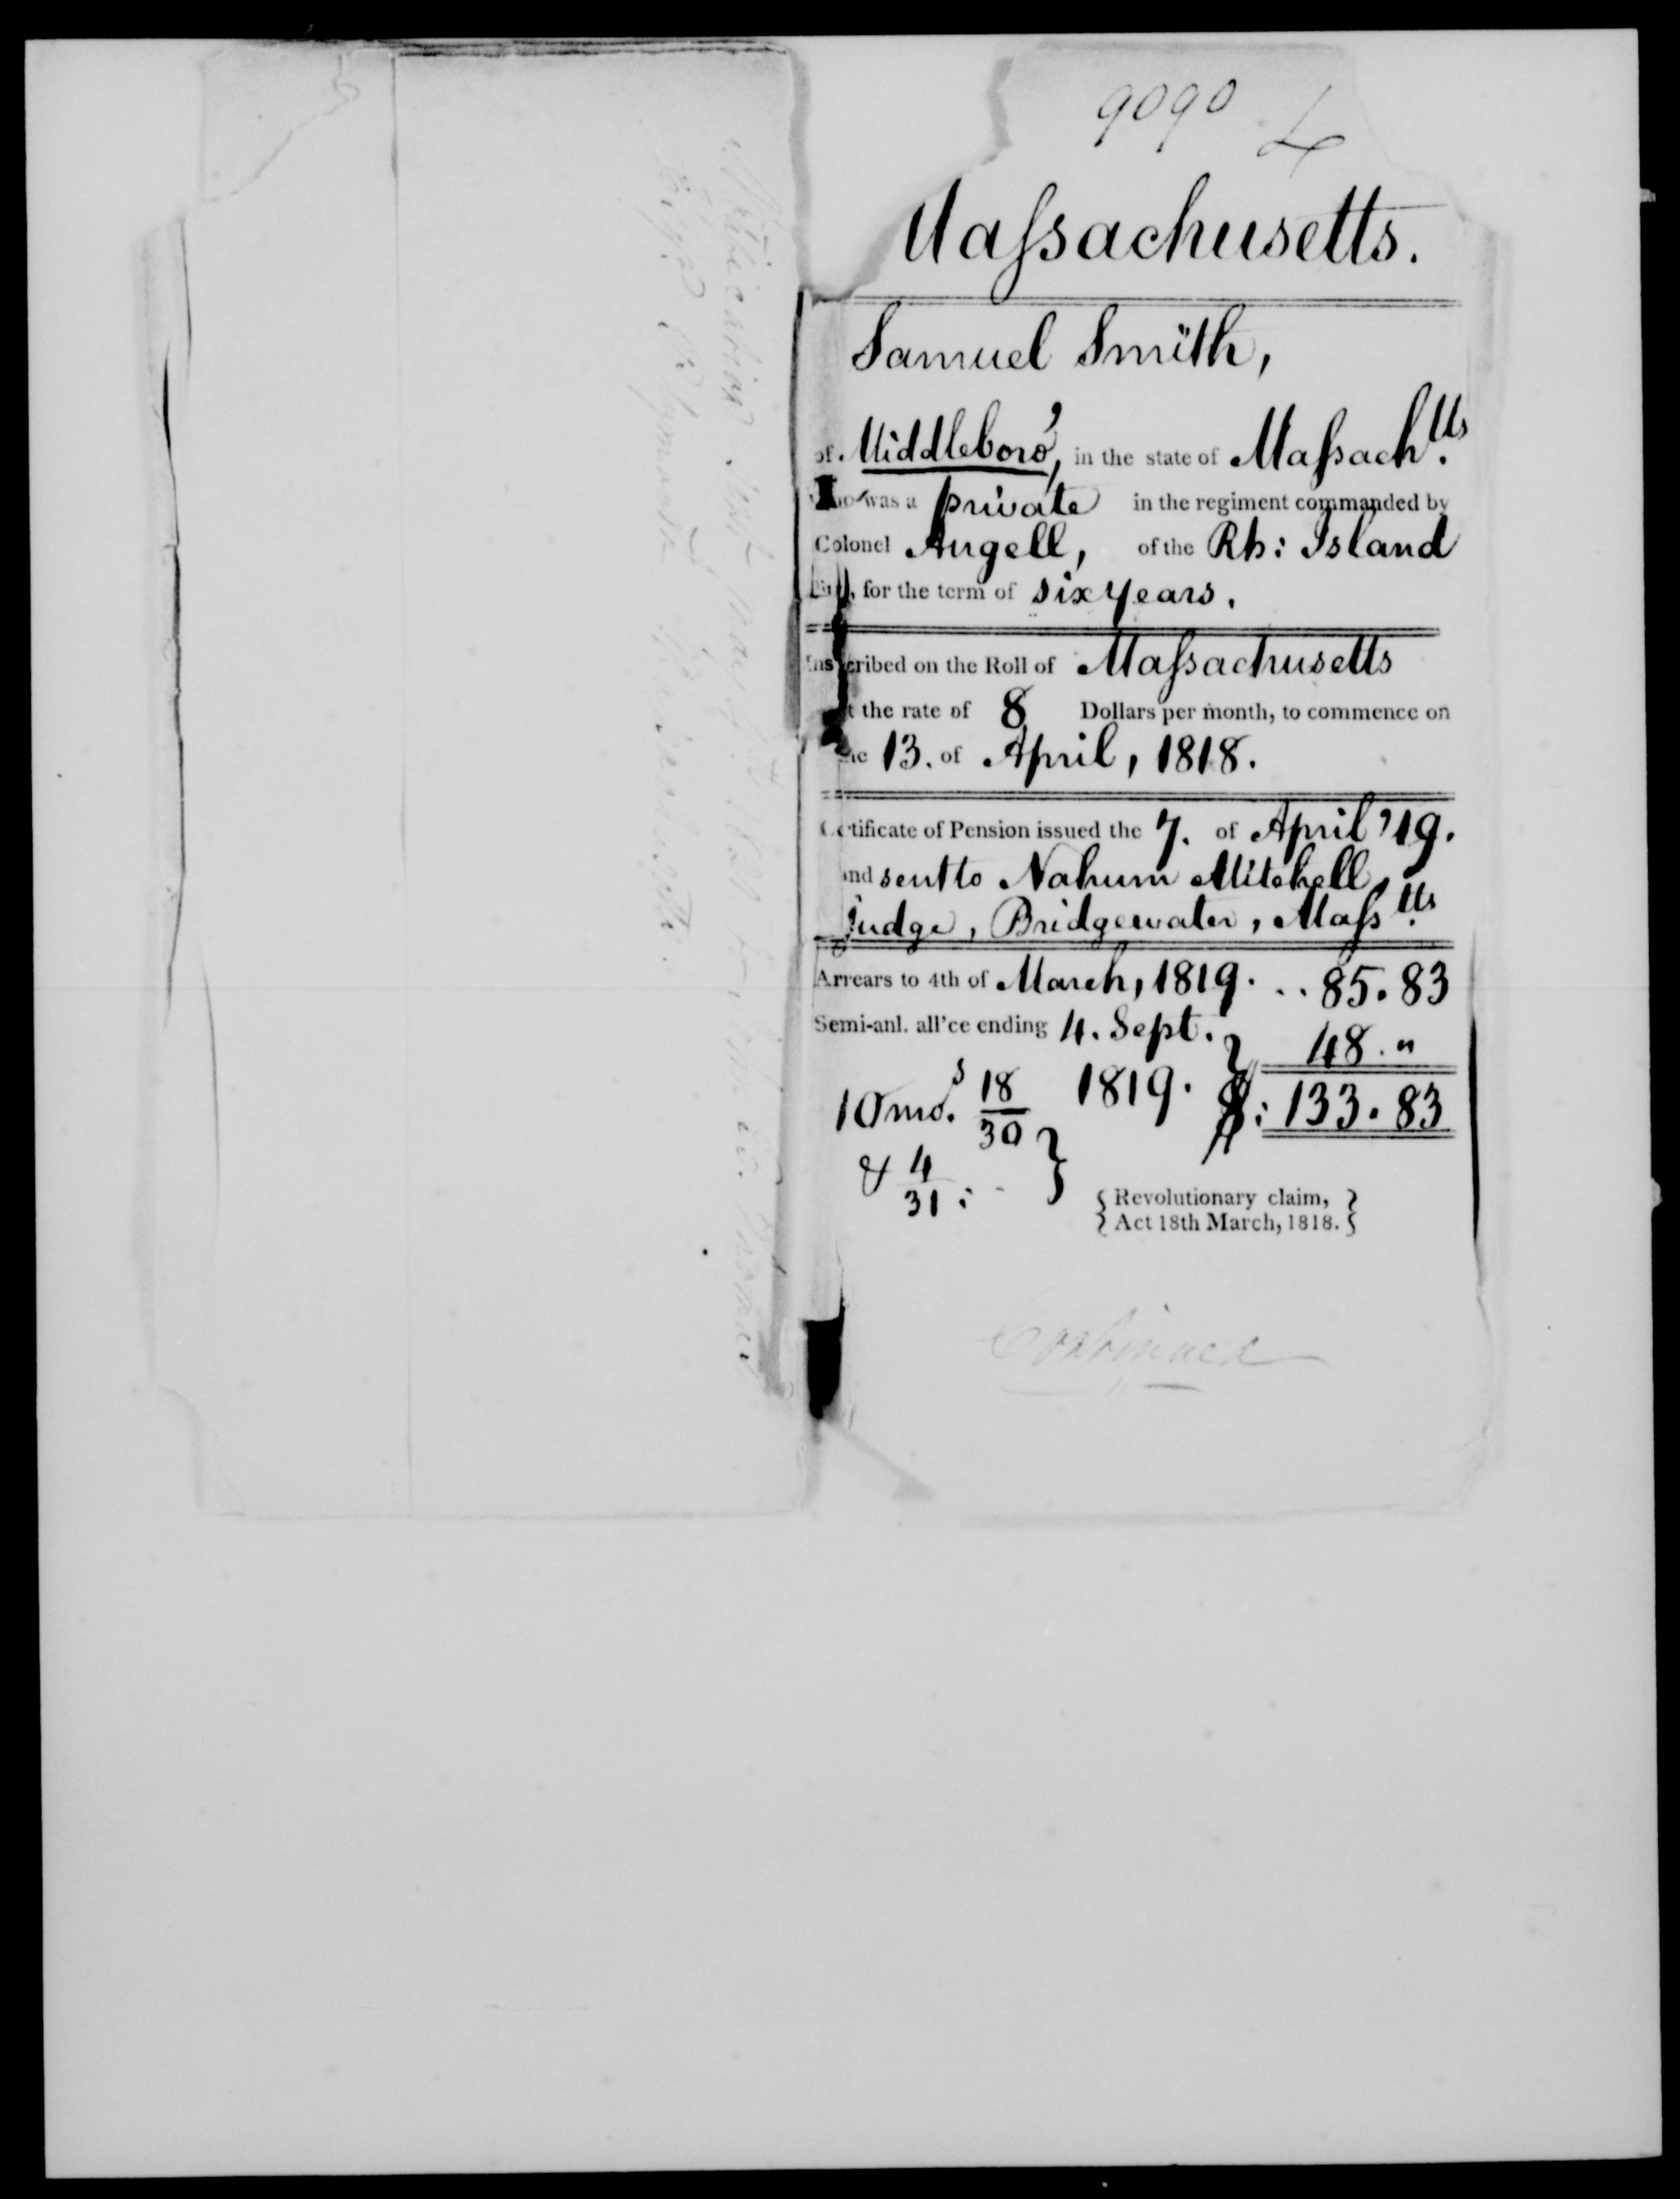9090
Massachusetts
Samuel Smith,
of Middleboro',, in the state of Massachusetts
He was a private in the regiment commanded by Colonel Angell, of the Rh: Island line for the term of six years.
Subscribed on the Roll of Massachusetts  at the rate of 8 Dollars per month, to commence on the 13. of April, 1818.
Certificate of Pension issued the 7. of April '19 and sent to Nahum Mitchell Judge, Bridgewater, Mass tts
Arrears to 4th of March, 1819 ..85.83
Semi-anl. all'ce ending 4 Sept.  48.00
1819   $133.83
10 mo. $18/30
and 4/31
{Revolutionary claim,
Act 18th March, 1818}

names: Samuel Smith; [BLANK] Angell; Nahum Mitchell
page: 2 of 14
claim: survivor's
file: S. 34,487, for Samuel Smith, Rhode Island